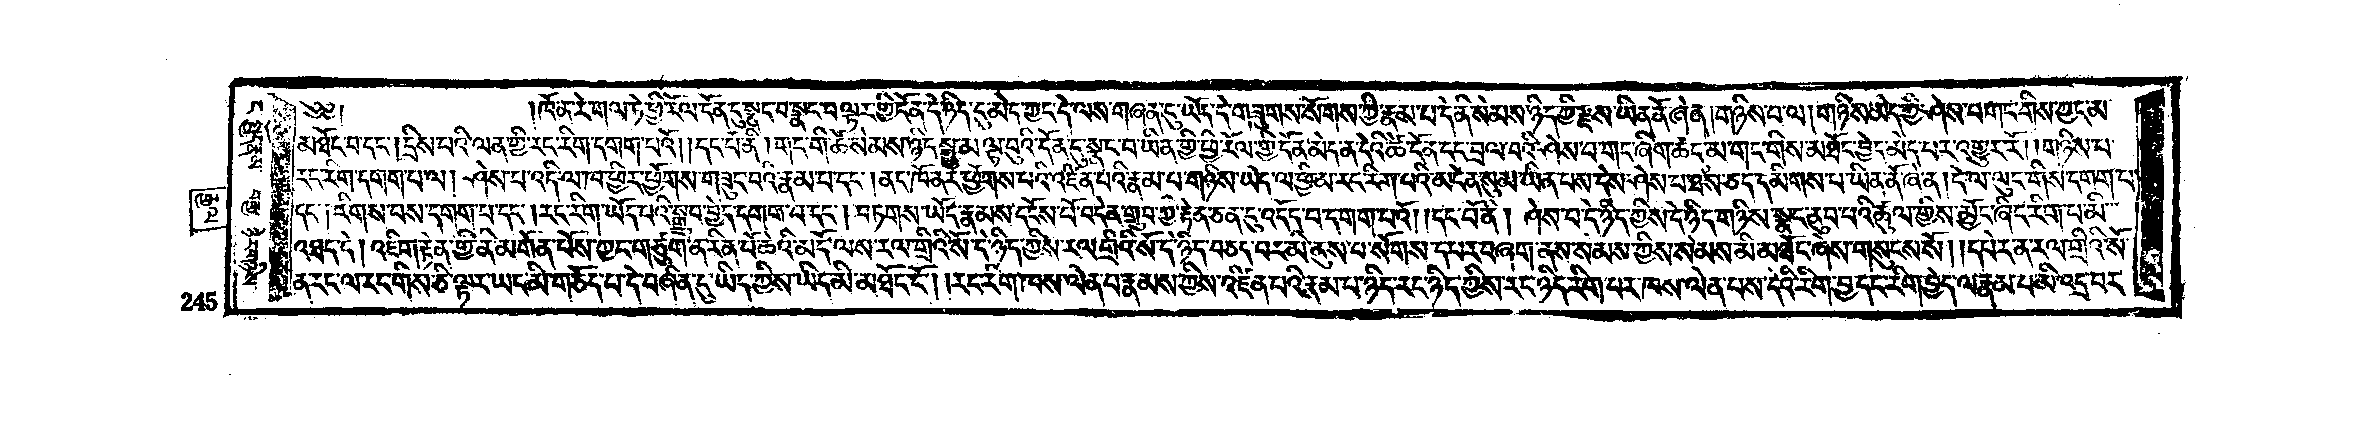༄༅། །ཁོ་ན་རེག་གལ་ཏེ་ཕྱི་རོལ་དོན་དུ་སྣང་བ་སྣང་བ་ལྟར་གྱི་དོན་དེ་ཉིད་དུ་མེད་ཀྱང་དེ་ལས་གཞན་དུ་ཡོད་དེ་གཟུགས་སོགས་ཀྱི་རྣམ་པ་དེ་ནི་སེམས་ཉིད་ཀྱི་རྫས་ཡིན་ནོ་ཞེ་ན། གཉིས་པ་ལ། གཉིས་མེད་ཀྱི་ཤེས་པ་གང་གིས་ཀྱང་མ་
མཐོང་བ་དང་། དྲིས་པའི་ལན་གྱི་རང་རིག་དགག་པའོ། །དང་པོ་ནི། གང་གི་ཚེ་སེམས་ཉིད་སྒྱུ་མ་ལྟ་བུའི་དོན་དུ་སྣང་བ་ཡིན་གྱི་ཕྱི་རོལ་གྱི་དོན་མེད་ན་དེའི་ཚེ་དོན་དང་བྲལ་བའི་ཤེས་པ་གང་ཞིག་ཚད་མ་གང་གིས་མཐོང་བྱེད་མེད་པར་འགྱུར་རོ། །གཉིས་པ་
རང་རིག་དགག་པ་ལ། ཤེས་པ་འདི་ལ་ཁ་ཕྱིར་ཕྱོགས་གཟུང་བའི་རྣམ་པ་དང་། ནད་ཁོ་ནར་ཕྱོགས་པའི་འཛིན་པའི་རྣམ་པ་གཉིས་ཡིད་ལ་ཕྱི་མ་རང་རིག་པའི་མངོན་སུམ་ཡིན་པས་ངེས་ཤེས་པ་ཐམས་ཅད་དམིགས་པ་ཡིན་ནོ་ཞེ་ན་དེ་ལ་ལུང་གིས་དགག་པ་
དང༑ རིགས་པས་དགག་པ་དང་། རང་རིག་ཡོད་པའི་སྒྲུབ་བྱེད་དགག་པ་དང་། བཏགས་ཡོད་རྣམས་དངོས་པོ་བདེན་གྲུབ་ཀྱི་རྟེན་ཅན་དུ་འདོད་པ་དགག་པའོ། །དང་པོ་ནི། ཤེས་པ་དེ་ཉིད་ཀྱིས་དེ་ཉིད་གཉིས་སྣང་ནུབ་པའི་ཚུལ་གྱིས་མྱོང་ཞིང་རིག་པ་མི་
འཐད་དེ། འཇིག་རྟེན་གྱི་ནི་མགོན་པོས་ཀྱང་གཙུག་ན་རིན་པོ་ཆེའི་མདོ་ལས་རལ་གྲིའི་སོ་དེ་ཉིད་ཀྱིས་རལ་གྲིའི་སོ་དེ་ཉིད་ཀྱིས་རལ་གྲིའི་སོ་དེ་ཉིད་བཅད་པར་མི་ནུས་པ་སོགས་དཔར་བཞག་ནས་སེམས་ཀྱིས་སེམས་མི་མཐོང་ཞེས་གསུངས་སོ། །དཔེར་ན་རལ་གྲིའི་སོ་
ན་རང་ལ་རང་གིས་ཅི་ལྟར་ཡང་མི་གཅོད་པ་དེ་བཞིན་དུ་ཡིད་ཀྱིས་ཡིད་མི་མཐོང་ངོ། །རང་རིག་ཁས་ལེན་པ་རྣམས་ཀྱིས་འཛིན་པའི་རྣམ་པ་ཉིད་རང་ཉིད་ཀྱིས་རང་ཉིད་རིག་པར་ཁས་ལེན་པས་དེའི་རིག་བྱ་དང་རིག་བྱེད་ལ་རྣམ་པ་མི་འདྲ་བར་